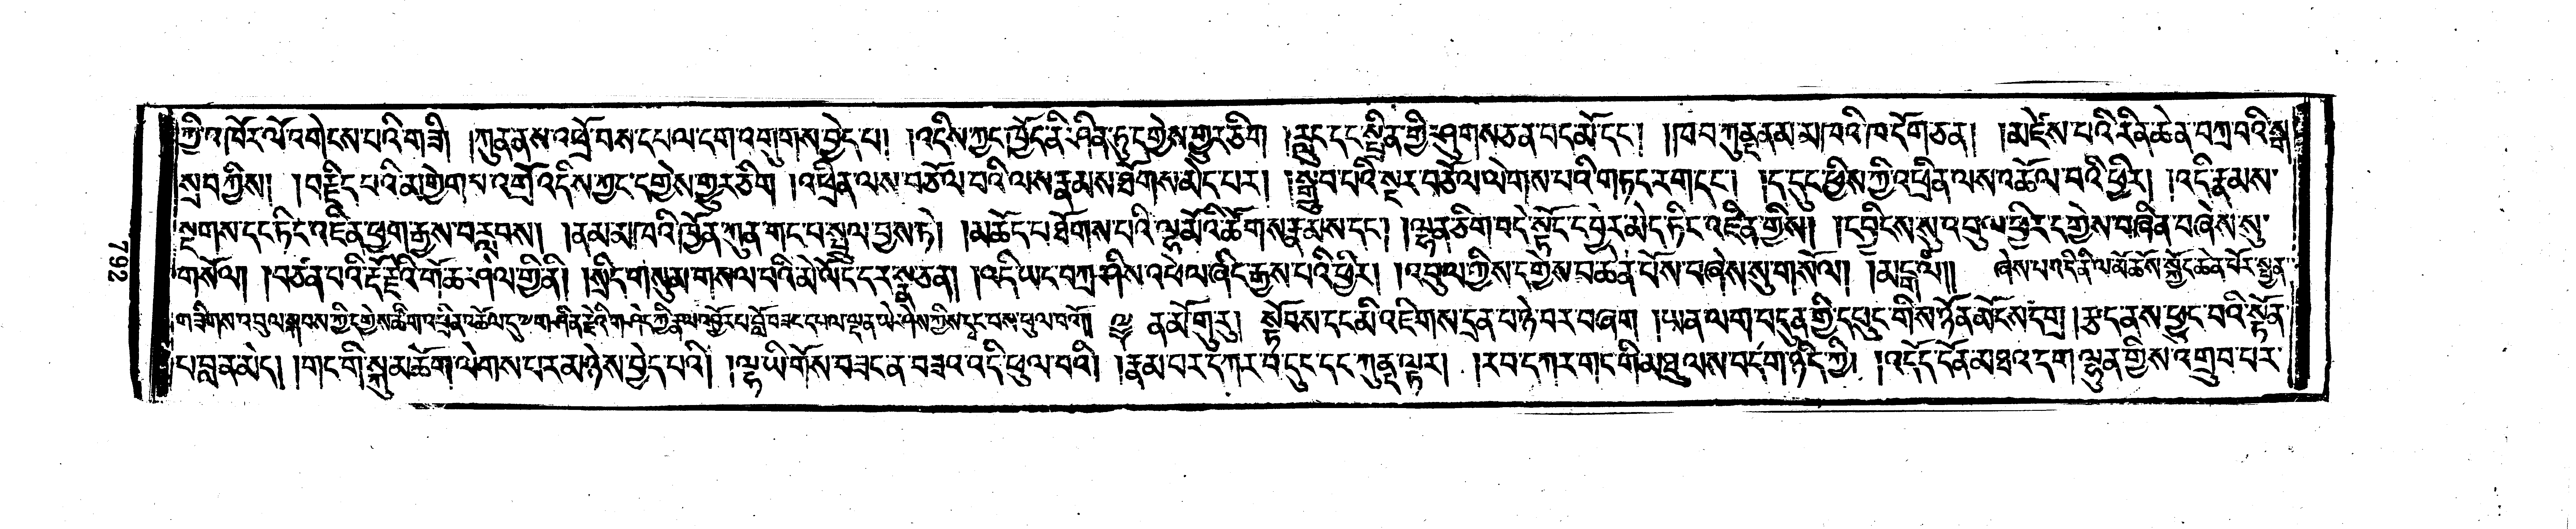ཀྱི་འཁོར་ལོ་འགེངས་པའི་གཟི། །ཀུན་ནས་འཕྲོ་བས་དཔལ་ངག་འགུགས་བྱེད་པ། །འདིས་ཀྱང་ཁྱོད་ནི་ཤིན་ཏུ་དགྱེས་གྱུར་ཅིག །རླུང་དང་སྤྲིན་གྱི་ཤུགས་ཅན་བད་མོ་དང་། །ཁབ་ཀུནྡྷ་ནམ་མཁའི་ཁ་དོག་ཅན། །མཛེས་པའི་རིན་ཆེན་བཀྲ་བའི་སྒ་
སྲབ་ཀྱིས། །བརྗིད་པའི་མགྱེགས་འགྲོ་འདིས་ཀྱང་དགྱེས་གྱུར་ཅིག །འཕྲིན་ལས་བཅོ་ལ་བའི་ལས་རྣམས་ཐོགས་མེད་པར། །སྒྲུབ་པའི་སྔར་བཅོལ་ལེགས་པའི་གཏད་རག་དང་། །ད་དུང་ཕྱིས་ཀྱི་འཕྲིན་ལས་འཆོལ་བའི་ཕྱིར། །འདི་རྣམས་
སྔགས་དང་ཏིང་འཛིན་ཕྱག་རྒྱས་བརླབས། །ནམ་མཁའི་ཁྱོན་ཀུན་གང་པ་སྤྲུལ་བྱས་ཏེ། །མཆོད་པ་ཐོགས་པའི་ལྷ་མོའི་ཚོགས་རྣམས་དང་། །ལྷན་ཅིག་བདེ་སྟོང་དབྱེར་མེད་ཏིང་འཛིན་གྱིས། །དབྱིངས་སུ་འབུལ་ཕྱིར་དགྱེས་བཞིན་བཞེས་སུ་
གསོལ། །བཙན་པའི་རྡོ་རྗེའི་གོ་ཆ་ཤེལ་གྱི་ནི། །སྲིད་གསུམ་གསལ་བའི་མེ་ལོང་དར་སྣ་ཅན། །འདི་ཡང་བཀྲ་ཤིས་འཕེལ་ཞིང་རྒྱས་པའི་ཕྱིར། །འབུལ་གྱིས་དགྱེས་པ་ཆེན་པོས་བཞེས་སུ་གསོལ། །མངྒ་ལཾ།། ཞེས་པ་འདི་ནི་ལ་མོ་ཆོས་སྐྱོང་ཆེན་པོར་སྤྱན་
གཟིགས་འབུལ་སྐབས་ཀྱི་དགྱེས་ཚིག་འཕྲིན་འཆོལ་དུ་༧་གཤིན་རྗེའི་གཤེད་ཀྱི་རྣལ་འབྱོར་པ་བློ་བཟང་དཔལ་ལྡན་ཡེ་ཤེས་ཀྱིས་དྭང་བས་ཕུལ་བའོ།། ༈ ན་མོ་གུ་རུ། སྟོབས་དང་མི་འཇིགས་དྲན་པ་ཉེ་བར་བཞག །ཡན་ལག་བདུན་གྱི་དཔུང་གིས་ཉོན་མོངས་དགྲ་།རྩད་ནས་ཕྱུང་བའི་སྟོན་
པ་བླ་ན་མེད། །གང་གི་སྐུ་མཆོག་ལེགས་པར་མཉེས་བྱེད་པའི། །ལྷ་ཡི་གོས་བཟང་ན་བཟའ་འདི་ཕུལ་བའི། །རྣམ་པར་དཀར་བ་དུང་དང་ཀུནྡ་ལྟར། །རབ་དཀར་གང་གི་མཐུ་ལས་བདག་ཉིད་ཀྱི། །འདོད་དོན་མཐའ་དག་ལྷུན་གྱིས་འགྲུབ་པར་